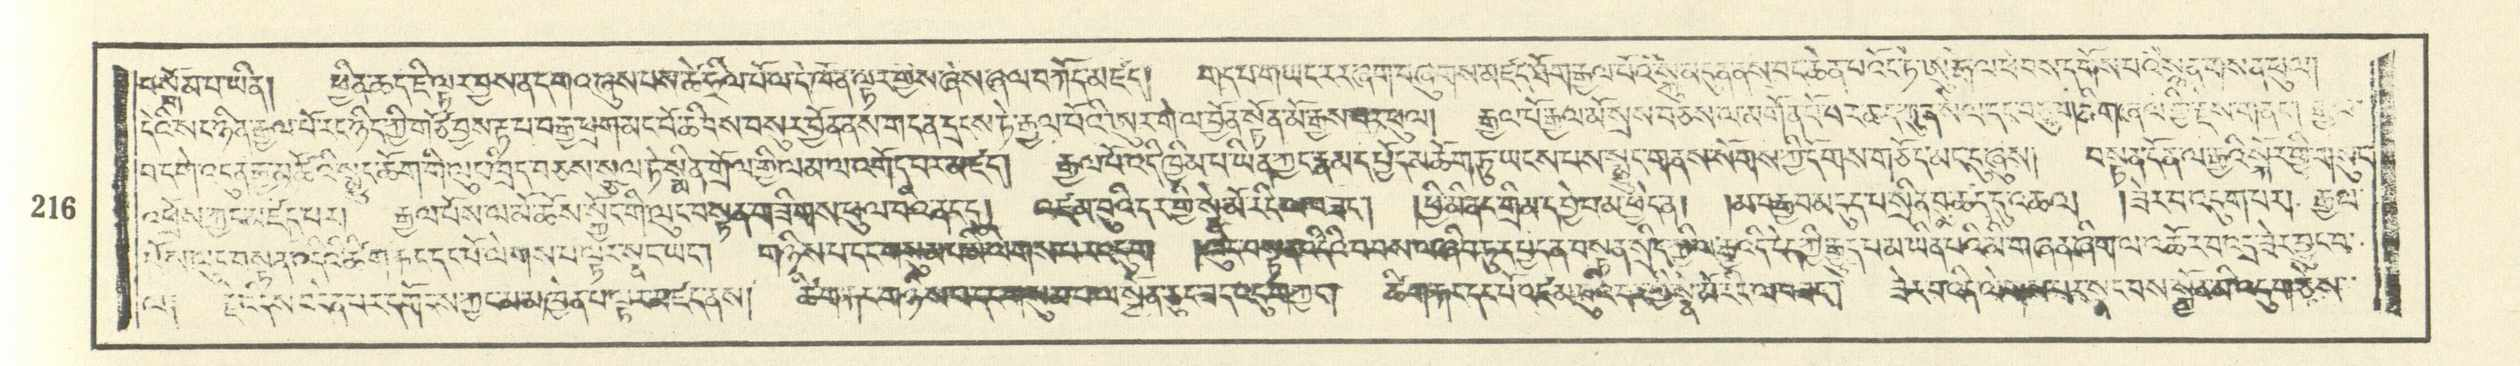བསྒོམ་པ་ཡིན། ཕྱིན་ཆད་ཇི་ལྟར་བྱས་ན་དགའ་ཞུས་པས་ཚེ་ཧྲིལ་པོ་ལ་དེ་ཁོ་ན་ལྟར་གྱིས་ཞེས་ཞལ་བཀོད་མཛད། གད་པ་གཡང་རར་ཞག་བཞུགས་མཛད་ཐོག་རྒྱལ་པོའི་སྐུ་མདུན་ནས་བང་ཆེན་པ་འོང་ཏེ་ཨུ་རྒེ་ལ་ཕེབས་དགོས་པའི་སྙན་གསན་ཕུལ།
དེའི་སང་ཉིན་རྒྱལ་པོ་རང་ཉིད་ཀྱི་གཙོ་བྱས་རྟ་པ་བརྒྱ་ཕྲག་མང་པོ་ཆིབས་བསུར་བྱོན་ནས་གདན་དྲངས་ཏེ་རྒྱལ་པོའི་ཨུར་གེ་ལ་བྱོན་སྟོན་མོ་རྒྱས་པར་ཕུལ། རྒྱལ་པོ་རྒྱལ་མོ་སྲས་བཅས་ལ་མགོན་པོ་བར་ཆད་ཀུན་སེལ་དང་བཅུ་གཅིག་ཞལ་གྱི་རྗེས་གནང་། རྒྱལ་
བ་དགེ་འདུན་རྒྱ་མཚོའི་སྨྱུང་ཆོག་གི་ལུང་ཁྲིད་བཅས་སྩལ་ཏེ་སྨིན་གྲོལ་གྱི་ལམ་ལ་འགོད་པར་མཛད། རྒྱལ་པོ་འདི་ཁྱིམ་པ་ཡིན་ཀྱང་རྣམ་དཔྱོད་མཆོག་ཏུ་ཡངས་པས་སྨྱུང་གནས་སོགས་ཀྱི་དོགས་གཅོད་མང་དུ་ཞུས། བསྟན་དོན་ལ་རྒྱའི་སྐོར་གྱི་གསུང་
འཕྲོས་ཀྱང་མཛད་པར། རྒྱལ་པོས་ལ་མོ་ཆོས་སྐྱོང་གི་ལུང་བསྟན་གཟིགས་ཕུལ་བའི་ནང་དུ། འཛམ་བུའི་དར་གྱི་སྣེ་མོ་རིང་ལ་བཟང་། །ཕྱི་མི་ནང་གྲིམ་དབྱེ་བ་མ་ཕྱེད་ན། །མ་བརྒྱ་བ་མདུད་པ་སྲིན་བུ་ཚད་དུ་འཆའ། །ཟེར་བ་འདུག་པར། རྒྱལ་
པོས་ལུང་བསྟན་འདིའི་ཚིག་རྐང་དང་པོ་ལེགས་པ་ལྟར་སྣང་ཡང་། གཉིས་པ་དང་གསུམ་པ་མི་ལེགས་པར་འདུག །ལུང་བསྟན་འདིའི་བབས་ལ་ཞིབ་ཏུ་དཔྱད་ན་བསྟན་སྲིད་ཀྱི་ལ་རྒྱ་འདི་ངེད་ཀྱི་རྒྱུད་པ་མ་ཡིན་པའི་མི་གཞན་ཞིག་ལ་འཆོར་བ་འདྲ་ཟེར་བྱུང་བ་
ལ༑ རྗེ་འདིས་བདེན་པར་དགོངས་ཀྱང་མ་མཁྱེན་པ་ལྟར་མཛད་ནས། ཚིག་རྐང་གཉིས་པ་དང་གསུམ་པ་ལ་སྐྱོན་ཅུང་ཟད་འདུག་ཀྱང་། ཚིག་རྐང་དང་པོ་འཛམ་བུའི་དར་གྱི་སྣེ་མོ་རིང་ལ་བཟང་། ཟེར་བ་འདི་ལེགས་པར་སྣང་བས་སྐྱོན་མི་འདུག་ཅེས་